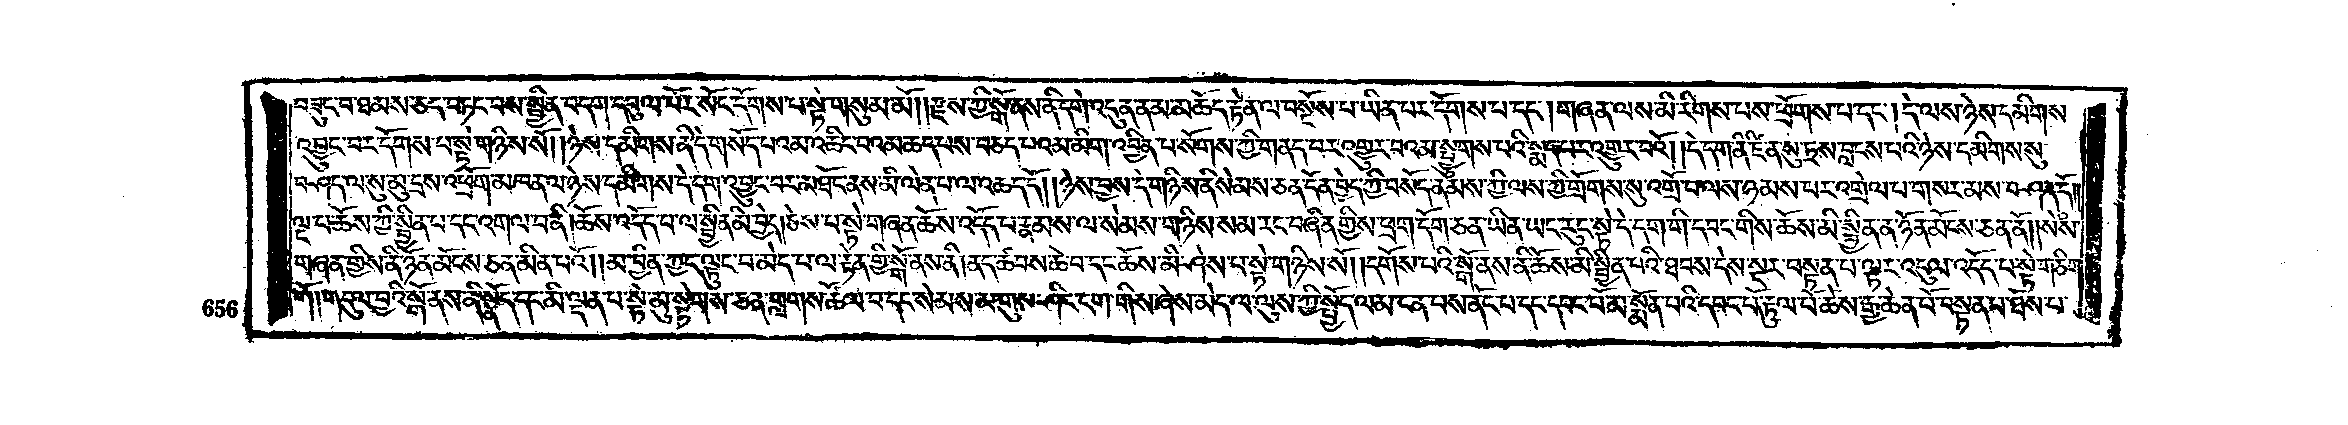བཟུང་བ་ཐམས་ཅད་བཏང་བས་སྦྱིན་བདག་དབུལ་པོར་སོང་དོགས་པ་སྟེ་གསུམ་མོ། །རྫས་ཀྱི་སྒོ་ནས་ནི་དགེ་འདུན་ནམ་མཆོད་རྟེན་ལ་བསྔོས་པ་ཡིན་པར་དོགས་པ་དང་། གཞན་ལས་མི་རིགས་པས་ཕྲོགས་པ་དང་། དེ་ལས་ཉེས་དམིགས་
འབྱུང་བར་དོགས་པ་སྟེ་གཉིས་སོ། །ཉེས་དམིགས་ནི་དེ་གསོད་པའམ་འཆིང་བའམ་ཆད་པས་བཅད་པའམ་མིག་འབྱིན་པ་སོགས་ཀྱི་གནད་པར་འགྱུར་བའམ་སྦྱུགས་པའི་སྨད་པར་འགྱུར་བའོ། །དེ་དག་ནི་ཛི་ན་སུ་ཏྲས་བླངས་པའི་ཉེས་དམིགས་སུ་
བཤད་ལ་སུ་མུ་དྲས་འཕྲོག་མཁན་ལ་ཉེས་དམིགས་དེ་དག་འབྱུང་བར་མཐོང་ནས་མི་ལེན་པ་ལ་འཆད་དོ། །ཉེས་བྱས་དེ་གཉིས་ནི་སེམས་ཅན་དོན་བྱེད་ཀྱི་བསོད་ནམས་ཀྱི་ལས་ཀྱི་གྲོགས་སུ་འགྲོ་བ་ལས་ཉམས་པར་འགྲེལ་པ་གསར་མས་བཤད་དོ། །
ལྔ་པ་ཆོས་ཀྱི་སྦྱིན་པ་དང་འགལ་བ་ནི། ཆོས་འདོད་པ་ལ་སྦྱིན་མི་བྱེད། ཅེས་པ་སྟེ་གཞན་ཆོས་འདོད་པ་རྣམས་ལ་སེམས་གཉིས་སམ་རང་བཞིན་གྱིས་ཕྲག་དོག་ཅན་ཡིན་ཡང་རུང་སྟེ་དེ་དག་གི་དབང་གིས་ཆོས་མི་སྦྱིན་ན་ཉོན་མོངས་ཅན་ནོ། །སེམས་
གཞན་གྱིས་ནི་ཉོན་མོངས་ཅན་མིན་པའོ། །མ་བྱིན་ཀྱང་ལྟུང་བ་མེད་པ་ལ་རྟེན་གྱི་སྒོ་ནས་ནི། ནད་ཚབས་ཆེ་བ་དང་ཆོས་མི་ཤེས་པ་སྟེ་གཉིས་སོ། །དགོས་པའི་སྒོ་ནས་ནི་ཆོས་མི་སྦྱིན་པའི་ཐབས་དེས་སྔར་བསྟན་པ་ལྟར་འདུལ་འདོད་པ་སྟེ་གཅིག་
གོ །གདུལ་བྱའི་སྒོ་ནས་ནི་སྣོད་དང་མི་ལྡན་པ་སྟེ་མུ་སྟེགས་ཅན་གླགས་ཚོལ་བ་དང་སེམས་མ་གུས་ཤིང་ངག་གིས་ཞེས་མེད་ལ་ལུས་ཀྱི་སྤྱོད་ལམ་ངན་པས་ནོང་པ་དང་དབང་པོ་མ་སྨོན་པའི་དབང་པོ་རྟུལ་པོ་ཆེས་རྒྱ་ཆེན་པོ་བསྟན་པ་ཐོས་པ་